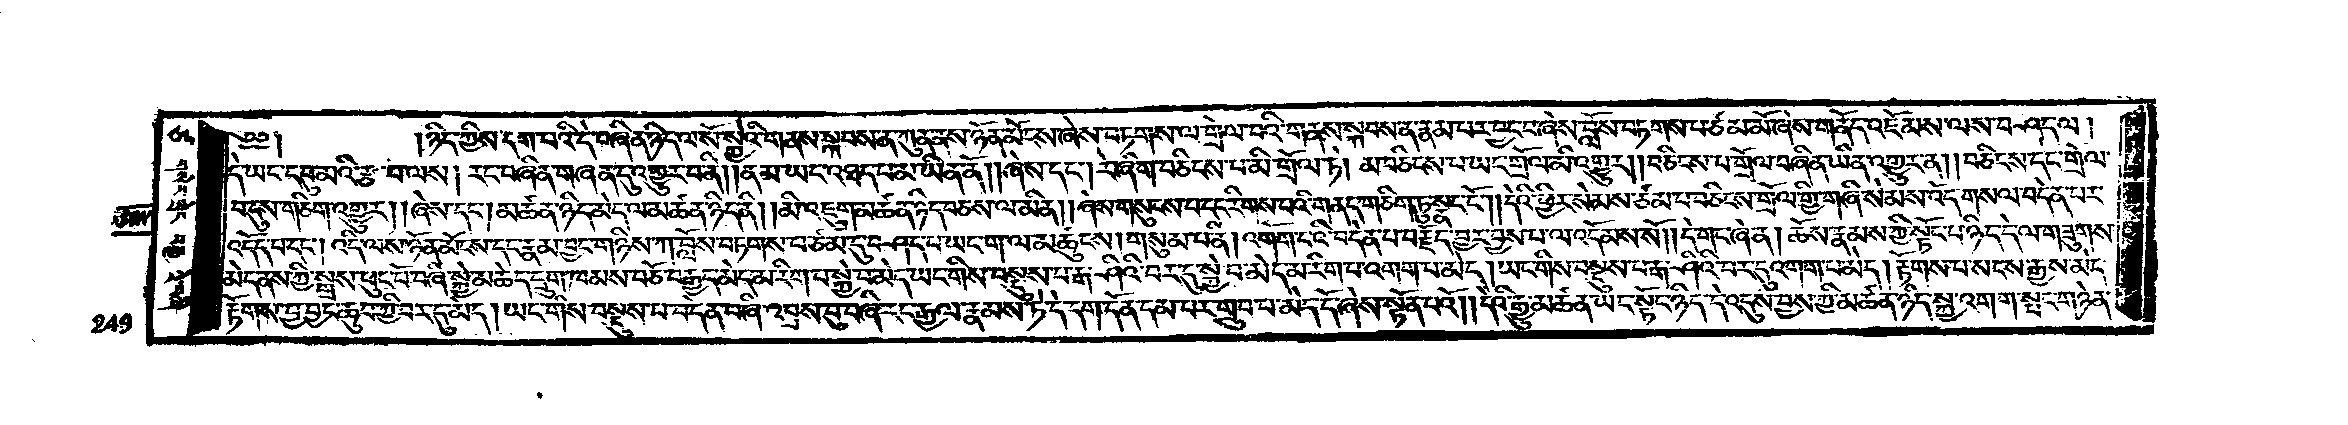༄༅། །ཉིད་ཀྱིས་དག་པའི་དེ་བཞིན་ཉིད་ལ་སོ་སྐྱེའི་གནས་སྐབས་ན་ཀུན་ནས་ཉོན་མོངས་ཞེས་བཏགས་ལ་གྲོལ་བའི་གནས་སྐབས་ན་རྣམ་པར་བྱང་བ་ཞེས་བློས་བཏགས་པ་ཙམ་མོ་ཞེས་གནོད་འཇོམས་ལས་བཤད་ལ།
དེ་ཡང་དབུ་མའི་རྩ་བ་ལས། རང་བཞིན་གཞན་དུ་འགྱུར་བ་ནི། །ནམ་ཡང་འཐད་པ་མ་ཡིན་ནོ། །ཞེས་དང་། རེ་ཞིག་བཅིངས་པ་མི་གྲོལ་ཏེ། མ་བཅིངས་པ་ཡང་གྲོལ་མི་འགྱུར། །བཅིངས་པ་གྲོལ་བཞིན་ཡིན་འགྱུར་ན། །བཅིངས་དང་གྲོལ་
བ་དུས་གཅིག་འགྱུར། །ཞེས་དང་། མཚན་ཉིད་མེད་ལ་མཚན་ཉིད་ནི། །མི་འཇུག་མཚན་ཉིད་བཅས་ལ་མིན། །ཞེས་གསུངས་པ་དང་རིགས་པའི་གནད་གཅིག་ཏུ་སྣང་ངོ། །དེའི་ཕྱིར་སེམས་ཙམ་པ་བཅིངས་གྲོལ་གྱི་གཞི་སེམས་འོད་གསལ་བདེན་པར་
འདོད་པ་དང་། འདི་ལས་ཉོན་མོངས་དང་རྣམ་བྱང་གཉིས་ཀ་བློས་བཏགས་པ་ཙམ་དུ་བཤད་པ་ཡང་ག་ལ་མཚུངས། གསུམ་པ་ནི། འགོག་པའི་བདེན་པ་བརྗོད་བྱར་བྱས་པ་ལ་འདོམས་སོ། །དེ་གང་ཞེ་ན། ཆོས་རྣམས་ཀྱི་སྟོང་པ་ཉིད་དེ་ལ་གཟུགས་
མེད་ནས་ཀྱི་སྒྲས་ཕུང་པོ་བཞི་སྐྱེ་མཆེད་དྲུག་ཁམས་བཅོ་བརྒྱད་མེད་མ་རིག་པ་སྐྱེ་བ་མེད་ཡང་གིས་བསྡུས་པ་རྒ་ཤིའི་བར་དུ་སྐྱེ་བ་མེད་མ་རིག་པ་འགག་པ་མེད། ཡང་གིས་བསྡུས་པ་རྒ་ཤིའི་བར་དུ་འགག་པ་མེད། རྟོགས་པ་སངས་རྒྱས་མེད་
རྟོགས་བྱ་བྱང་ཆུབ་ཀྱི་བར་དུ་མེད། ཡང་གིས་བསྡུས་པ་བདེན་བཞི་འབྲས་བུ་བཞི་རང་རྒྱལ་རྣམས་ཏེ་དེ་དག་དོན་དམ་པར་གྲུབ་པ་མེད་དོ་ཞེས་སྟོན་པའོ། །དེའི་རྒྱུ་མཚན་ཡང་སྟོང་ཉིད་དེ་འདུས་བྱས་ཀྱི་མཚན་ཉིད་སྐྱ་འགག་སྤང་གཉེན་